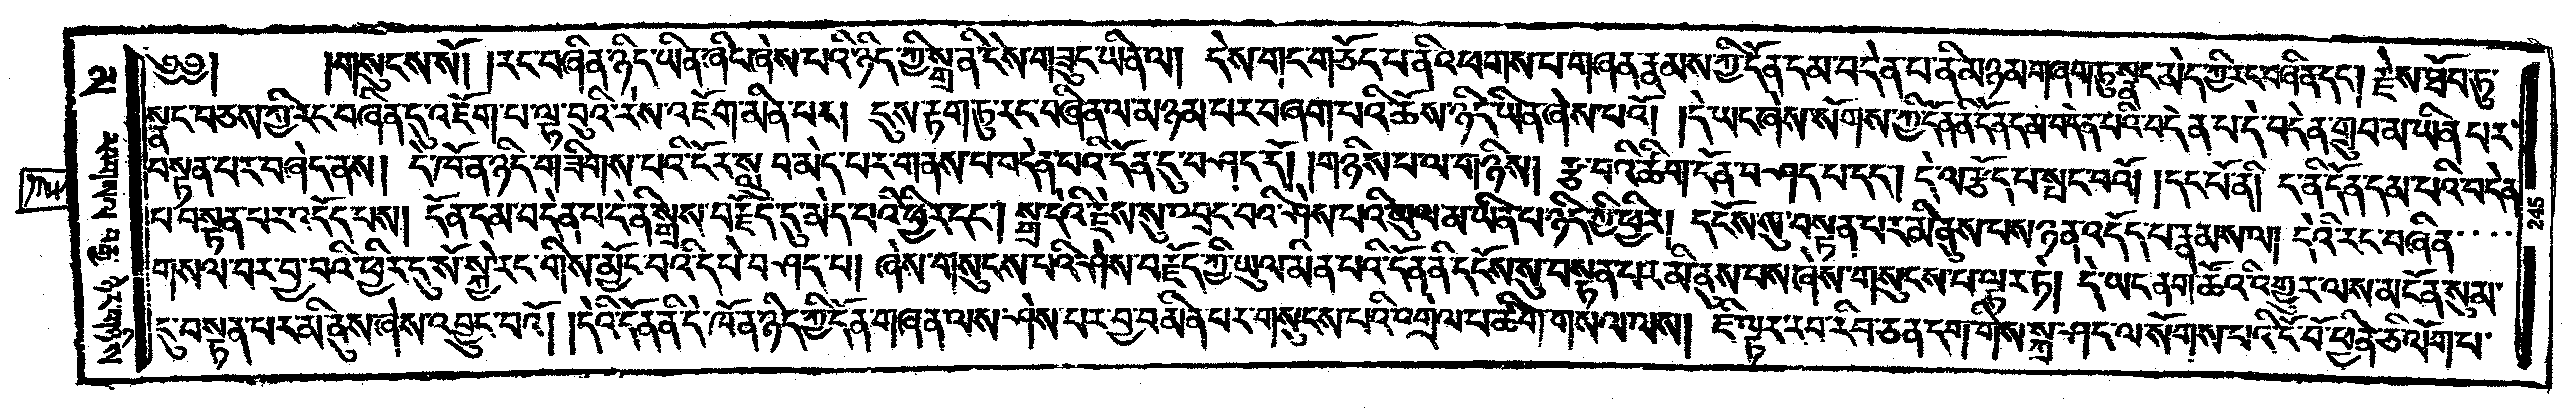༄༅། །གསུངས་སོ། །རང་བཞིན་ཉིད་ཡིན་ཞིང་ཞེས་པའི་ཉིད་ཀྱི་སྒྲ་ནི་ངེས་གཟུང་ཡིན་ལ། དེས་གང་གཅོད་པ་ནི་འཕགས་པ་གཞན་རྣམས་ཀྱི་དོན་དམ་བདེན་པ་ནི་མཉམ་གཞག་ཏུ་སྣང་མེད་ཀྱི་རང་བཞིན་དང་། རྗེས་ཐོབ་ཏུ་
སྣང་བཅས་ཀྱི་རང་བཞིན་དུ་འཇོག་པ་ལྟ་བུའི་རེས་འཇོག་མིན་པར། དུས་རྟག་ཏུ་རང་བཞིན་ལ་མཉམ་པར་བཞག་པའི་ཆོས་ཉིད་ཡིན་ཞེས་པའོ། །དེ་ཡང་ཞེས་སོགས་ཀྱི་དོན་ནི་དོན་དམ་བདེན་པའི་བདེན་པ་དེ་བདེན་གྲུབ་མ་ཡིན་པར་
བསྟན་པར་བཞེད་ནས། དེ་ཁོ་ན་ཉིད་གཟིགས་པའི་ངོར་སླུ་བ་མེད་པར་གནས་པ་བདེན་པའི་དོན་དུ་བཤད་དོ། །གཉིས་པ་ལ་གཉིས། རྩ་བའི་ཚིག་དོན་བཤད་པ་དང་། དེ་ལ་རྩོད་པ་སྤང་བའོ། །དང་པོ་ནི། དེ་ནི་དོན་དམ་པའི་བདེན་
པ་བསྟན་པར་འདོད་པས། དོན་དམ་བདེན་པ་དེ་ནི་སྒྲས་བརྗོད་དུ་མེད་པའི་ཕྱིར་དང་། སྒྲ་དེའི་རྗེས་སུ་འབྲང་བའི་ཤེས་པའི་ཡུལ་མ་ཡིན་པ་ཉིད་ཀྱི་ཕྱིར། དངོས་སུ་བསྟན་པར་མི་ནུས་པས་ཉན་འདོད་པ་རྣམས་ལ་དེའི་རང་བཞིན་
གསལ་བར་བྱ་བའི་ཕྱིར་དུ་སོ་སྐྱེ་རང་གིས་མྱོང་བའི་དཔེ་བཤད་པ། ཞེས་གསུངས་པའི་ཤེས་བརྗོད་ཀྱི་ཡུལ་མིན་པའི་དོན་ནི་དངོས་སུ་བསྟན་པར་མི་ནུས་པས་ཞེས་གསུངས་པ་ལྟར་ཏེ། དེ་ཡང་ནག་ཚོའི་འགྱུར་ལས་མངོན་སུམ་
དུ་བསྟན་པར་མི་ནུས་ཞེས་འབྱུང་བའོ། །དེའི་དོན་ནི་དེ་ཁོ་ན་ཉིད་ཀྱི་དོན་གཞན་ལས་ཤེས་པར་བྱ་བ་མིན་པར་གསུངས་པའི་འགྲེལ་པ་ཚིག་གསལ་ལས། ཇི་ལྟར་རབ་རིབ་ཅན་དག་གིས་སྐྲ་ཤད་ལ་སོགས་པའི་ངོ་བོ་ཕྱིན་ཅི་ལོག་པ་